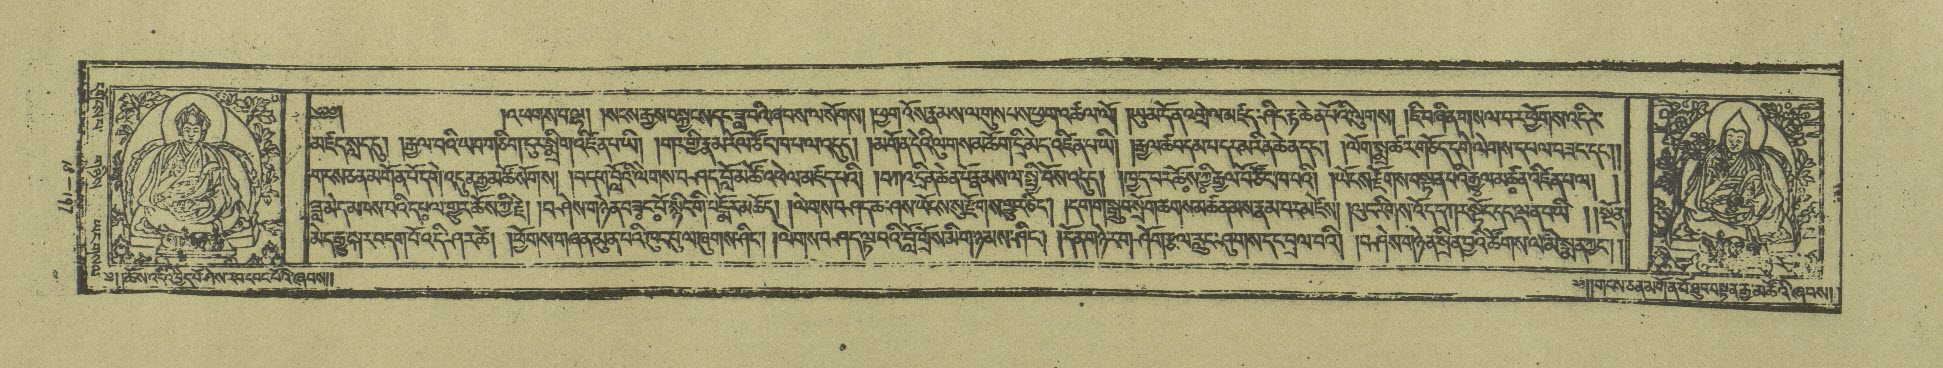༄༅། །འཕགས་པ་ལྷ། །སངས་རྒྱས་བསྐྱངས་དང་ཟླ་བའི་ཞབས་ལ་སོགས། །ཕྱག་འོས་རྣམས་ལ་གུས་པས་ཕྱག་འཚལ་ལོ། །ཡུམ་དོན་འགྲེལ་མཛད་ཤིང་རྟ་ཆེན་པོའི་ལུགས། །ཇི་བཞིན་གསལ་བར་ཕྱོགས་འདིར་
མཛད་སླད་དུ། །རྒྱལ་བའི་ཡབ་གཅིག་ངུར་སྨྲིག་འཛིན་པ་ཡི། །གར་གྱི་རྣམ་རོལ་ཙོང་ཁ་བ་ལ་འདུད། །མགོན་དེའི་ལུགས་མཆོག་དྲི་མེད་འཛིན་པ་ཡི། །རྒྱལ་ཚབ་དམ་པ་དར་མ་རིན་ཆེན་དང་། ལོག་སྨྲ་ཚར་གཅོད་དགེ་ལེགས་དཔལ་བཟང་དང་། །
གངས་ཅན་མགོན་པོ་དགེ་འདུན་རྒྱ་མཚོ་སོགས། །བདག་བློའི་ལེགས་བཤད་བློ་མཚོ་འཕེལ་མཛད་པའི། །བཀའ་དྲིན་ཆེན་པོ་རྣམས་ལ་སྤྱི་བོས་འདུད། །ཁྱད་པར་ཆོས་ཀྱི་རྒྱལ་བོ་ཙོང་ཁ་པའི། །ཡོངས་རྫོགས་བསྟན་པའི་རྒྱལ་མཚན་འཛིན་པ་ལ། །
ཟླ་མེད་མཁས་པའི་དཔལ་གྱུར་ཆོས་ཀྱི་རྗེ། །བཤེས་གཉེན་བཟང་པོ་སྙིང་གི་པདམོར་མཆོད། །ལེགས་བཤད་ཆ་ཤས་ཡོངས་སུ་རྫོགས་གྱུར་ཅིང་། །དགག་སྒྲུབ་སྲོག་ཆགས་མཚན་མས་རྣམ་པར་མཛེས། །ལུང་རིགས་འོད་དཀར་སྟོང་དང་ལྡན་པ་ཡི། །སྔོན་
མེད་རྒྱུ་སྐར་བདག་པོ་འདི་ཤར་ཚེ། །ཕྱོགས་གཞན་མུན་པའི་ཁུང་བུ་ལ་ཞུགས་ཤིང་། །ལེགས་བཤད་ལྟ་བའི་བློ་གྲོས་མིག་ཉམས་ཤིང་། །དོན་གཉེར་གཤོག་རྩལ་རླུང་ཤུགས་དང་བྲལ་བའི། །བཤེས་གཉེན་སྲིན་བྱའི་ཚོགས་ལ་མི་སྨན་ཀྱང་། །